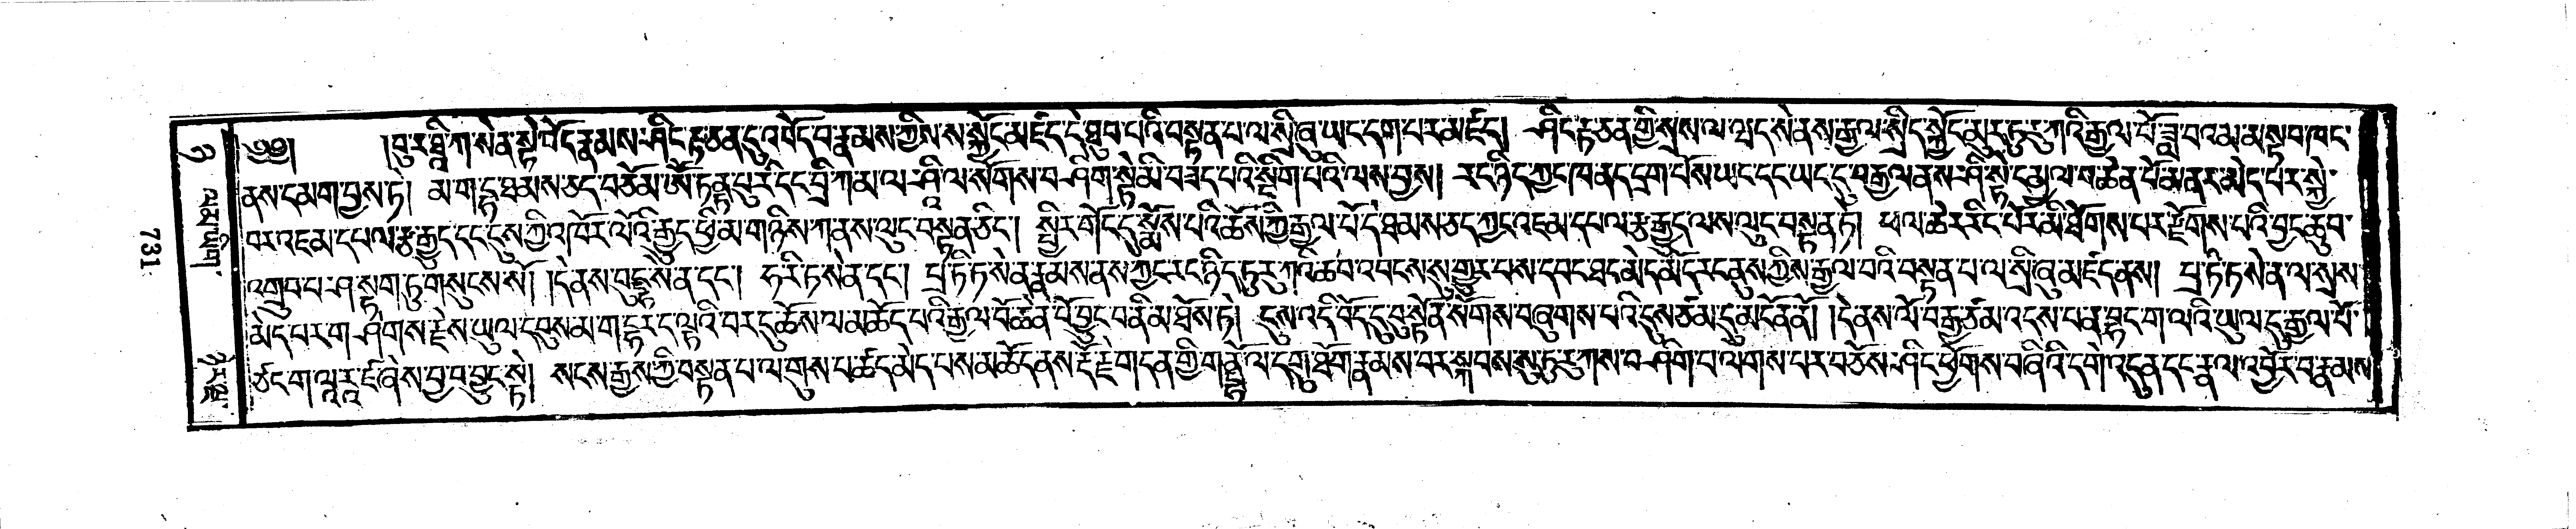༄༅། །བུ་ར་ཐཱི་ཀ་སེན་སྟེ་བོད་རྣམས་ཤིང་རྟ་ཅན་དུ་འབོད་བ་རྣམས་ཀྱིས་ས་སྐྱོང་མཛད་དེ་ཐུབ་པའི་བསྟན་པ་ལ་སྲི་ཞུ་ཡང་དག་པར་མཛད། ཤིང་རྟ་ཅན་གྱི་སྲས་ལ་ཝད་སེ་ནས་རྒྱལ་སྲིད་སྐྱོང་མུར་ཏུ་རུ་ཀའི་རྒྱལ་པོ་ཟླ་བའམ་མྶྟབ་ཁང་
ནས་དམག་བྱས་ཏེ། མ་ག་དྷ་ཐམས་ཅད་བཅོམ་ཨཽ་ཏནྟ་པུ་རི་དང་བྲི་ཀ་མ་ལ་ཤཱི་ལ་སོགས་བཤིག་སྟེ་མི་བཟད་པའི་སྡིག་པའི་ལས་བྱས། རང་ཉིད་ཀྱང་ཁ་ནད་དྲག་པོས་ཡང་དང་ཡང་དུ་བརྒྱལ་ནས་ཤི་སྟེ་དམྱལ་བ་ཆེན་པོ་མནར་མེད་པར་སྐྱེ་
བར་འཇམ་དཔལ་རྩ་རྒྱུད་དང་དུས་ཀྱི་འཁོར་ལོའི་རྒྱུད་ཕྱི་མ་གཉིས་ཀ་ནས་ལུང་བསྟན་ཅིང་། སྤྱིར་གོང་དུ་སྨོས་པའི་ཆོས་ཀྱི་རྒྱལ་པོ་དེ་ཐམས་ཅད་ཀྱང་འཇམ་དཔལ་རྩ་རྒྱུད་ལས་ལུང་བསྟན་ཏེ། ཕལ་ཆེར་རིང་པོར་མི་ཐོགས་པར་རྫོགས་པའི་བྱང་ཆུབ་
འགྲུབ་པ་ཤ་སྟག་ཏུ་གསུངས་སོ། །དེ་ནས་བུདྡྷ་སེ་ན་དང་། ཧ་རི་ཏ་སེ་ན་དང་། པྲ་ཏི་ཏ་སེ་ན་རྣམས་ནས་ཀྱང་རང་ཉིད་ཏུ་རུ་ཀའི་ཆབ་འབངས་སུ་གྱུར་པས་དབང་ཐང་མེད་མོད་རང་ནུས་ཀྱིས་རྒྱལ་བའི་བསྟན་པ་ལ་སྲི་ཞུ་མཛད་ནས། པྲ་ཏི་ཏ་སེ་ན་ལ་སྲས་
མེད་པར་གཤེགས་རྗེས་ཡུལ་དབུས་མ་ག་དྷར་ད་ལྟའི་བར་དུ་ཆོས་ལ་མཆོད་པའི་རྒྱལ་བོ་ཆེན་པོ་བྱུང་བ་ནི་མ་ཐོས་ཏེ། དུས་འདི་བོད་དུ་བུ་སྟོན་སོགས་བཞུགས་པའི་དུས་ཙམ་དུ་མངོན་ནོ། །དེ་ནས་ལོ་བརྒྱ་ཙམ་འདས་པ་ན་བྷང་ག་ལའི་ཡུལ་དུ་རྒྱལ་པོ་
ཙང་ག་ལཱ་རཱ་ཛ་ཞེས་བྱ་བ་བྱུང་སྟེ། སངས་རྒྱས་ཀྱི་བསྟན་པ་ལ་གུས་པ་ཚད་མེད་པས་མཆོད་ནས་རྡོ་རྗེ་གདན་གྱི་གནྡྷོ་ལ་དགུ་ཐོག་རྣམས་བར་སྐབས་སུ་ཏུ་རུ་ཀས་བཤིག་པ་ལེགས་པར་བཅོས་ཤིང་ཕྱོགས་བཞིའི་དགེ་འདུན་དང་རྣལ་འབྱོར་བ་རྣམས་